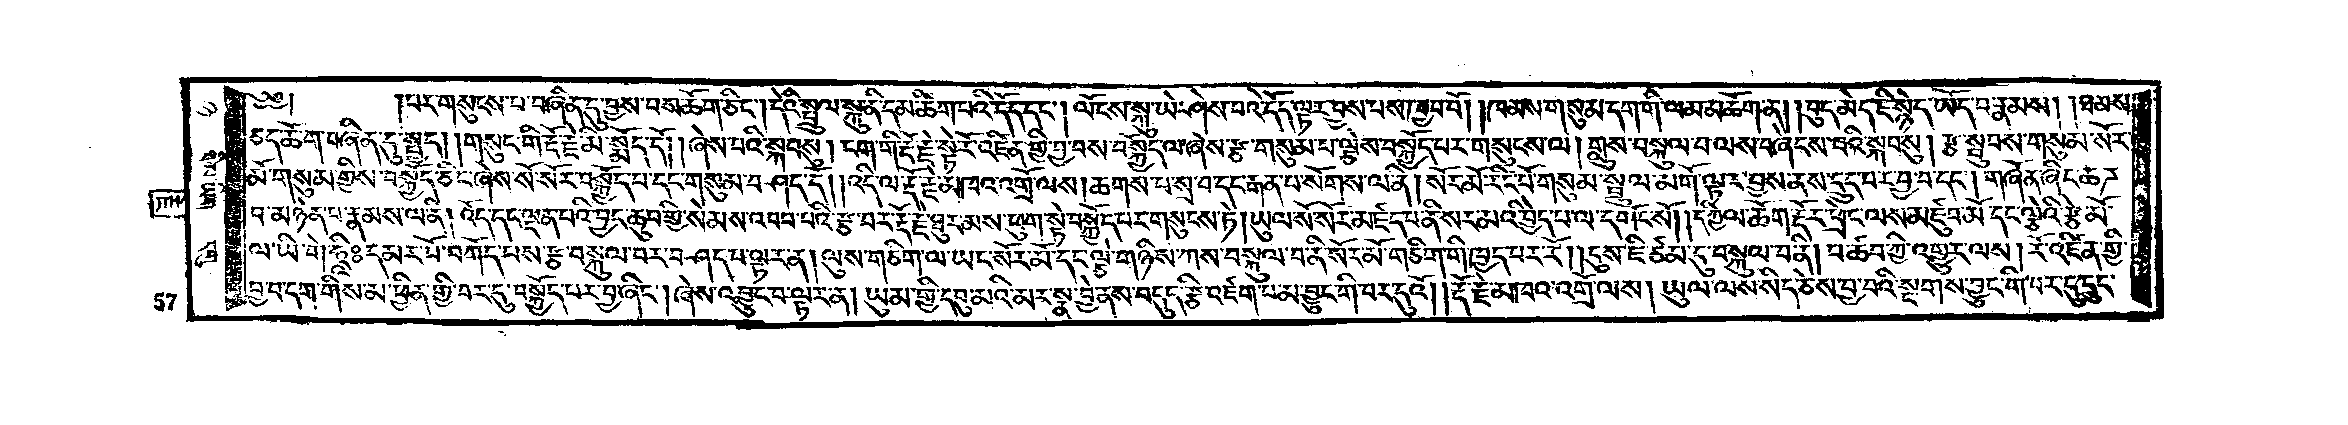༄༅། །པར་གསུངས་པ་བཞིན་དུ་བྱས་བས་ཆོག་ཅིང་། དེའི་སྤྲུལ་སྐུ་ནི་དམ་ཚིག་པའི་དོད་དང་། ལོངས་སྐུ་ཡེ་ཤེས་བའི་དོད་ལྟར་བྱས་པས་ཁྱབ་བོ། །ཁམས་གསུམ་དག་གི་ལམ་མཆོག་ན། །བུད་མེད་ཇི་སྙེད་ཡོད་བ་རྣམས། །ཐམས་
ཅད་ཆོ་ག་བཞིན་དུ་སྤྱད། །གསུང་གི་རྡོ་རྗེ་མི་སྨོད་དོ། །ཞེས་པའི་སྐབས་སུ། ངག་གི་རྡོ་རྗེ་སྟེ་རོ་འཛིན་གྱི་བྱ་བས་བསྐྱོད་ལ་ཞེས་རྩ་གསུམ་པ་ལྕེས་བསྐྱོད་པར་གསུངས་ལ། གླུས་བསྐུལ་བ་ལས་བཞེངས་པའི་སྐབས་སུ། རྩ་སྦུབས་གསུམ་སོར་
མོ་གསུམ་གྱིས་བསྐྱོད་ཅིང་ཞེས་སོ་སོར་བསྐྱོད་པ་དང་གསུམ་བཤད་དོ། །འདི་ལ་རྡོ་རྗེ་མཁའ་འགྲོ་ལས། ཆགས་པ་སྲ་བ་དང་རྒན་པ་སོགས་ལ་ནི། སོར་མོ་རིང་པོ་གསུམ་སྦྲུལ་མགོ་ལྟར་བྱས་ནས་དྲུད་བར་བྱ་བ་དང་། གཞོན་ཞིང་ཆགས་
བ་མཉེན་པ་རྣམས་ལ་ནི། འོད་དང་ལྡན་པའི་བྱང་ཆུབ་ཀྱི་སེམས་འབབ་པའི་རྩ་བར་རྡོ་རྗེ་ཐུར་མས་ཕུག་སྟེ་བསྐྱོད་པར་གསུངས་ཏེ། ཡུལ་སོ་སོར་མཛད་པ་ནི་སར་མའི་བྱེད་པ་ལ་དགོང་སོ། །དཀྱིལ་ཆོག་རྡོར་ཕྲེང་ལས་མཛུབ་མོ་དང་ལྕེའི་རྩེ་མོ་
ལ་ཡི་གེ་ཧྲཱིཿ དམར་པོ་བཀོད་པས་རྩ་བསྐུལ་བར་བཤད་པ་ལྟར་ན། ལུས་གཅིག་ལ་ཡང་སོར་མོ་དང་ལྕེ་གཉིས་ཀས་བསྐུལ་བ་ནི་སོར་མོ་གཅིག་གི་ཁྱད་པར་རོ། །དུས་ཇི་ཙམ་དུ་བསྐུལ་བ་ནི། པ་ཚབ་ཀྱི་འགྱུར་ལས། རོ་འཛིན་གྱི་
བྱ་བ་དག་གིས་མ་ཕྱིན་གྱི་བར་དུ་བསྐྱོད་པར་བྱ་ཞིང་། ཞེས་འབྱུང་བ་ལྟར་ན། ཡུམ་གྱི་དབུ་མའི་མར་སྣ་བྱེ་ནས་བདུད་རྩི་འཛག་པ་མ་བྱུང་གི་བར་དུའོ། །རྡོ་རྗེ་མཁའ་འགྲོ་ལས། ཡུལ་ལས་སིད་ཅེས་བྱ་བའི་སྔགས་བྱུང་གི་བར་དུ་དྲུང་